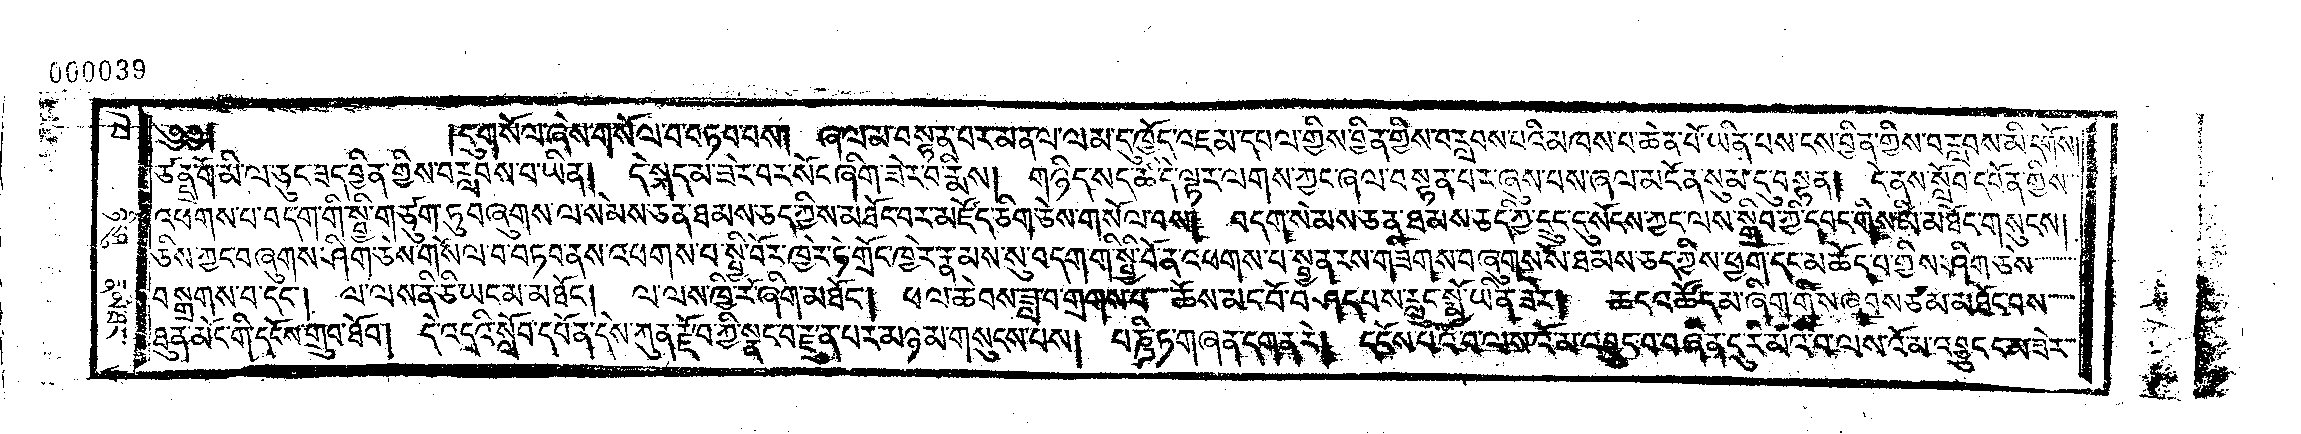༄༅། །དུ་གསོལ་ཞེས་གསོལ་བ་བཏབ་པས། ཞལ་མ་བསྟན་པར་མནལ་ལམ་དུ་ཁྱོད་འཇམ་དཔལ་གྱིས་བྱིན་གྱིས་བརླབས་པའི་མཁས་པ་ཆེན་པོ་ཡིན་པས་ངས་བྱིན་གྱིས་བརླབས་མི་དགོས།
ཙནྡྲ་གོ་མི་ལ་ཅུང་ཟད་བྱིན་གྱིས་བརླབས་པ་ཡིན། དེ་སྐད་མ་ཟེར་བར་སོང་ཞིག་ཟེར་བ་རྨིས། གཉིད་སད་ཚེ་དེ་ལྟར་ལགས་ཀྱང་ཞལ་བསྟན་པར་ཞུས་པས་ཞལ་མངོན་སུམ་དུ་བསྟན། དེ་ནས་སློབ་དཔོན་གྱིས་
འཕགས་པ་བདག་གི་སྤྱི་གཙུག་ཏུ་བཞུགས་ལ་སེམས་ཅན་ཐམས་ཅད་ཀྱིས་མཐོང་བར་མཛོད་ཅིག་ཅེས་གསོལ་བས། བདག་སེམས་ཅན་ཐམས་ཅད་ཀྱི་དྲུང་དུ་སོངས་ཀྱང་ལས་སྒྲིབ་ཀྱི་དབང་གིས་མི་མཐོང་གསུངས།
ཅིས་ཀྱང་བཞུགས་ཤིག་ཅེས་གསོལ་བ་བཏབ་ནས་འཕགས་པ་སྤྱི་བོར་ཁྱེར་ཏེ་གྲོང་ཁྱེར་རྣམས་སུ་བདག་གི་སྤྱི་བོ་ན་འཕགས་པ་སྤྱན་རས་གཟིགས་བཞུགས་སོ་ཐམས་ཅད་ཀྱིས་ཕྱག་དང་མཆོད་པ་གྱིས་ཤིག་ཅེས་
བསྒྲགས་པ་དང་། ལ་ལས་ནི་ཅི་ཡང་མ་མཐོང་། ལ་ལས་ཁྱི་རོ་ཞིག་མཐོང་། ཕལ་ཆེ་བས་ཟླ་བ་གྲགས་པ་ཆོས་མང་པོ་བཤད་པས་རླུང་སྨྱོ་ཡིན་ཟེར། ཆང་འཚོང་མ་ཞིག་གིས་ཞབས་ཙམ་མཐོང་བས་
ཐུན་མོང་གི་དངོས་གྲུབ་ཐོབ། དེ་འདྲའི་སློབ་དཔོན་དེས་ཀུན་རྫོབ་ཀྱི་སྣང་བ་རྫུན་པར་མཉམ་གསུངས་པས། པཎྜི་ཏ་གཞན་དག་ན་རེ། དངོས་པོའི་བ་ལས་འོ་མ་འབྱུང་བ་བཞིན་དུ་རི་མོའི་བ་ལས་འོ་མ་འབྱུང་དམ་ཟེར་